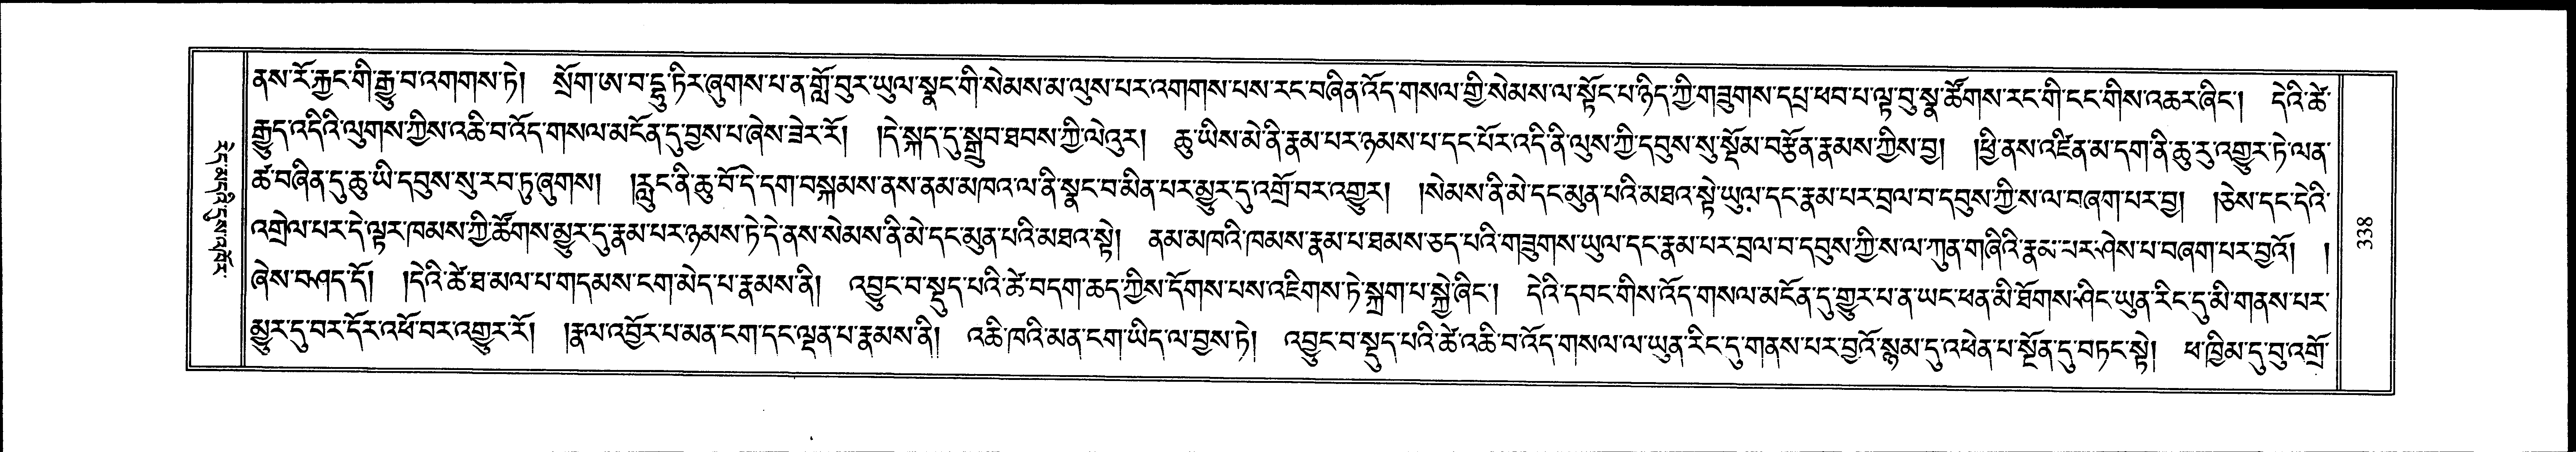ནས་རོ་རྐྱང་གི་རྒྱུ་བ་འགགས་ཏེ། སྲོག་ཨ་བ་དྷུ་ཏིར་ཞུགས་པ་ན་གློ་བུར་ཡུལ་སྣང་གི་སེམས་མ་ལུས་པར་འགགས་པས་རང་བཞིན་འོད་གསལ་གྱི་སེམས་ལ་སྟོང་པ་ཉིད་ཀྱི་གཟུགས་དཔྲ་ཕབ་པ་ལྟ་བུ་སྣ་ཚོགས་རང་གི་ངང་གིས་འཆར་ཞིང་། དེའི་ཚེ་
རྒྱུད་འདིའི་ལུགས་ཀྱིས་འཆི་བ་འོད་གསལ་མངོན་དུ་བྱས་པ་ཞེས་ཟེར་རོ། །དེ་སྐད་དུ་སྒྲུབ་ཐབས་ཀྱི་ལེའུར། ཆུ་ཡིས་མེ་ནི་རྣམ་པར་ཉམས་པ་དང་པོར་འདི་ནི་ལུས་ཀྱི་དབུས་སུ་སྡོམ་བརྩོན་རྣམས་ཀྱིས་བྱ། །ཕྱི་ནས་འཛིན་མ་དག་ནི་ཆུ་རུ་འགྱུར་ཏེ་ལན་
ཚ་བཞིན་དུ་ཆུ་ཡི་དབུས་སུ་རབ་ཏུ་ཞུགས། །རླུང་ནི་ཆུ་བོ་དེ་དག་བསྐམས་ནས་ནམ་མཁའ་ལ་ནི་སྣང་བ་མིན་པར་མྱུར་དུ་འགྲོ་བར་འགྱུར། །སེམས་ནི་མེ་དང་མུན་པའི་མཐའ་སྟེ་ཡུལ་དང་རྣམ་པར་བྲལ་བ་དབུས་ཀྱི་ས་ལ་བཞག་པར་བྱ། །ཅེས་དང་དེའི་
འགྲེལ་པར་དེ་ལྟར་ཁམས་ཀྱི་ཚོགས་མྱུར་དུ་རྣམ་པར་ཉམས་ཏེ་དེ་ནས་སེམས་ནི་མེ་དང་མུན་པའི་མཐའ་སྟེ། ནམ་མཁའི་ཁམས་རྣམ་པ་ཐམས་ཅད་པའི་གཟུགས་ཡུལ་དང་རྣམ་པར་བྲལ་བ་དབུས་ཀྱི་ས་ལ་ཀུན་གཞིའི་རྣམ་པར་ཤེས་པ་བཞག་པར་བྱའོ། །
ཞེས་བཤད་དོ། །དེའི་ཚེ་ཐ་མལ་པ་གདམས་ངག་མེད་པ་རྣམས་ནི། འབྱུང་བ་སྡུད་པའི་ཚེ་བདག་ཆད་ཀྱིས་དོགས་པས་འཇིགས་ཏེ་སྐྲག་པ་སྐྱེ་ཞིང་། དེའི་དབང་གིས་འོད་གསལ་མངོན་དུ་གྱུར་པ་ན་ཡང་ཕན་མི་ཐོགས་ཤིང་ཡུན་རིང་དུ་མི་གནས་པར་
མྱུར་དུ་བར་དོར་འཕོ་བར་འགྱུར་རོ། །རྣལ་འབྱོར་པ་མན་ངག་དང་ལྡན་པ་རྣམས་ནི། འཆི་ཁའི་མན་ངག་ཡིད་ལ་བྱས་ཏེ། འབྱུང་བ་སྡུད་པའི་ཚེ་འཆི་བ་འོད་གསལ་ལ་ཡུན་རིང་དུ་གནས་པར་བྱའོ་སྙམ་དུ་འཕེན་པ་སྔོན་དུ་བཏང་སྟེ། ཕ་ཁྱིམ་དུ་བུ་འགྲོ་